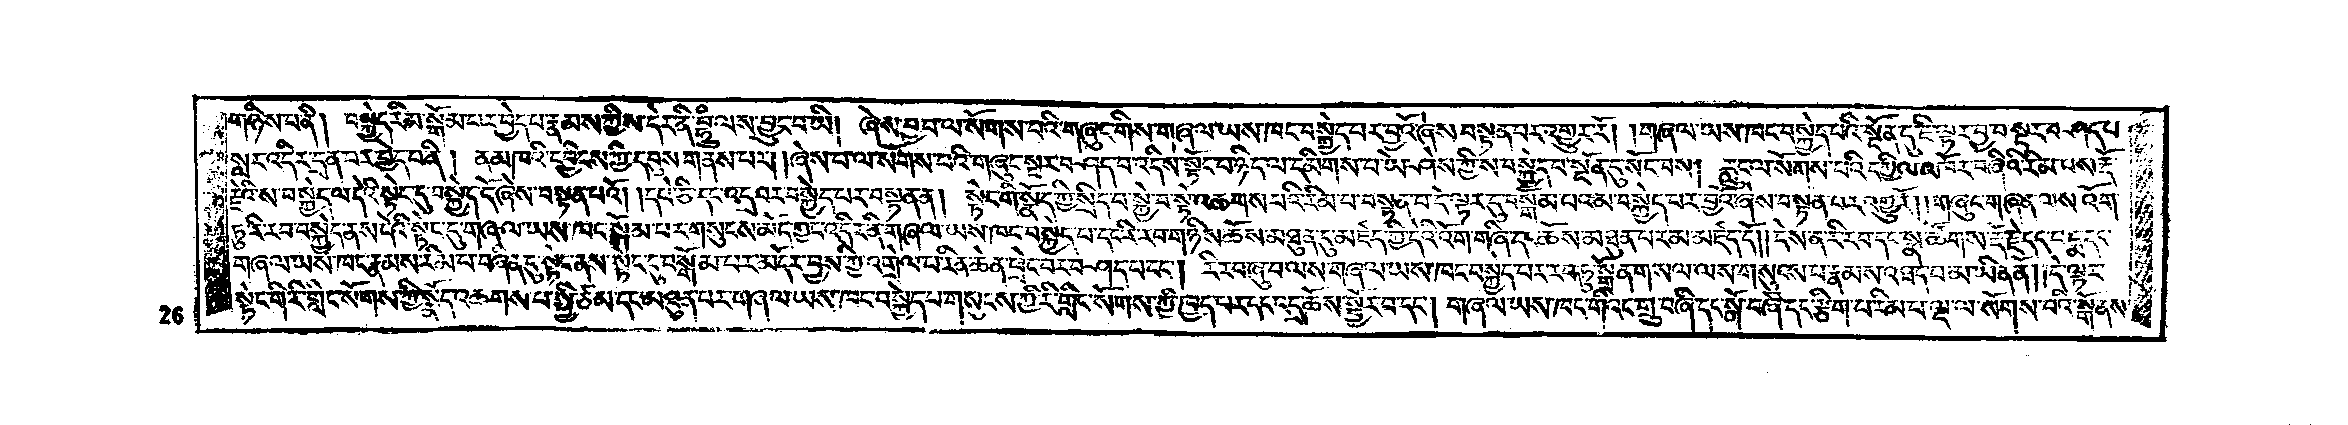གཉིས་པ་ནི། བསྐྱེད་རིམ་སྒོམ་པར་བྱེད་པ་རྣམས་ཀྱིས་དེར་ནི་བྷྲུཾ་ལས་བྱུང་བ་ཡི། ཞེས་བྱ་བ་ལ་སོགས་པའི་གཞུང་གིས་གཞལ་ཡས་ཁང་བསྐྱེད་པར་བྱའོ་ཞེས་བསྟན་པར་འགྱུར་རོ། །གཞལ་ཡས་ཁང་བསྐྱེད་པའི་སྔོན་དུ་ཇི་ལྟར་བྱ་བ་སྔར་བཤད་པ་
སླར་འདིར་དྲན་པར་བྱེད་པ་ནི། ནམ་མཁའི་དབྱིངས་ཀྱི་དབུས་གནས་པར། །ཞེས་པ་ལ་སོགས་པའི་གཞུང་སྔར་བཤད་པ་འདིས་སྟོང་པ་ཉིད་ལ་དམིགས་པ་ཡེ་ཤེས་ཀྱི་ས་བསྐྱེད་པ་སྔོན་དུ་སོང་བས། རླུང་ལ་སོགས་པའི་དཀྱིལ་འཁོར་བཞིའི་རིམ་པས་རྡོ་
རྗེའི་ས་བསྐྱེད་ལ་དེའི་སྟེང་དུ་བསྐྱེད་དོ་ཞེས་བསྟན་པའོ། །དཔེ་ཅི་དང་འདྲ་བར་བསྐྱེད་པར་བསྟན་ན། སྟེང་གི་སྣོད་ཀྱི་སྲིད་པ་སྐྱེ་བ་སྟེ་འཆགས་པའི་རིམ་པ་བསྟན་པ་དེ་ལྟར་དུ་བསྒོམ་པའམ་བསྐྱེད་པར་བྱའོ་ཞེས་བསྟན་པར་འགྱུར་རོ། །གཞུང་གཞན་ལས་འོག་
ཏུ་རི་རབ་བསྐྱེད་ནས་དེའི་སྟེང་དུ་གཞལ་ཡས་ཁང་སྒོམ་པར་གསུངས་མོད་ཀྱང་འདིར་ནི་གཞལ་ཡས་ཁང་བསྐྱེད་པ་དང་རི་རབ་གཉིས་ཆོས་མཐུན་དུ་མཛད་ཀྱི་དེའི་འོག་གཞི་དང་ཆོས་མཐུན་པར་མ་མཛད་དོ། །དེས་ན་རི་རབ་དང་སྣ་ཚོགས་རྡོ་རྗེ་དད་པདམ་དང་
གཞལ་ཡས་ཁང་རྣམས་རིམ་པ་བཞིན་དུ་སྟེང་ནས་སྟེང་དུ་བསྒོམ་པར་མདོར་བྱས་ཀྱི་འགྲེལ་པ་རིན་ཆེན་ཕྲེང་བར་བཤད་པ་དང་། རི་རབ་ཞུ་བ་ལས་གཞལ་ཡས་ཁང་བསྐྱེད་པར་རབ་ཏུ་སྒྲོན་གསལ་ལས་གསུངས་པ་རྣམས་འཐད་པ་མ་ཡིན་ནོ། །དེ་ལྟར་
སྟེང་གི་རི་གླིང་སོགས་ཀྱི་སྣོད་འཆགས་པ་སྤྱི་ཙམ་དང་མཐུན་པར་གཞལ་ཡས་ཁང་བསྐྱེད་པ་གསུངས་ཀྱི་རི་གླིང་སོགས་ཀྱི་ཁྱད་པར་དང་འདྲ་ཆོས་སྦྱོར་བ་དང་། གཞལ་ཡས་ཁང་གིའང་གྲུ་བཞི་དང་སྒོ་བཞི་དང་རྩིག་པ་རིམ་པ་ལྔ་ལ་སོགས་པའི་སྒོ་ནས་